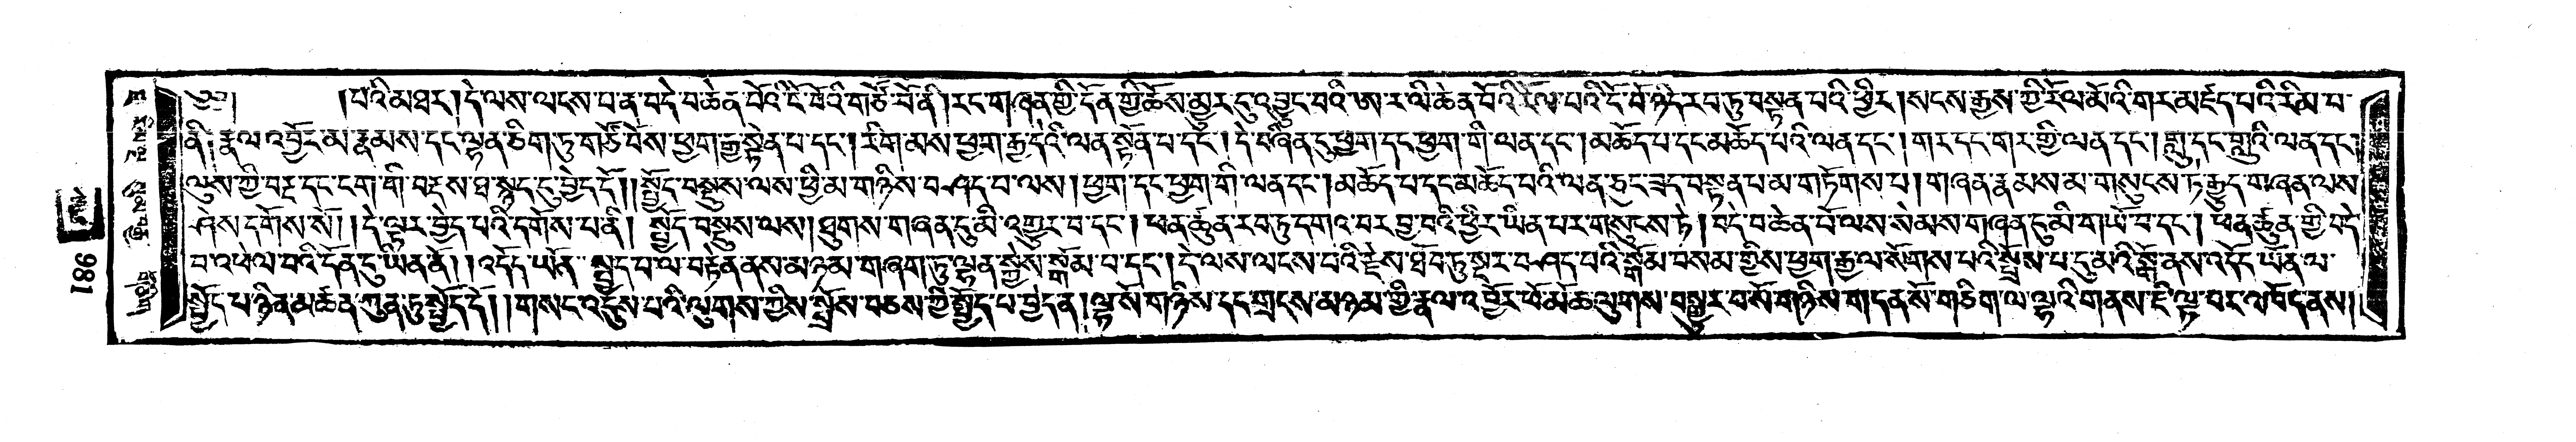༄༅། །བའི་མཐར། དེ་ལས་ལངས་བ་ན་བདེ་བ་ཆེན་པོའི་ངོ་བོའི་གཙོ་བོ་ནི། རང་གཞན་གྱི་དོན་གྱི་ཆོས་མྱུར་དུ་འབྱུང་བའི་ཨ་ར་ལི་ཆེན་པོའི་རོལ་པའི་ངོ་བོ་ཉིད་རབ་ཏུ་བསྟན་པའི་ཕྱིར། སངས་རྒྱས་ཀྱི་རོལ་མོའི་གར་མཛད་པའི་རིམ་པ་
ནི། རྣལ་འབྱོར་མ་རྣམས་དང་ལྷན་ཅིག་ཏུ་གཙོ་བོས་ཕྱག་རྒྱ་སྟོན་པ་དང་། རིག་མས་ཕྱག་རྒྱ་དེའི་ལན་སྟོན་པ་དང་། དེ་བཞིན་དུ་ཕྱག་དང་ཕྱག་གི་ལན་དང་། མཆོད་པ་དང་མཆོད་པའི་ལན་དང་། གར་དང་གར་གྱི་ལན་དང་། གླུ་དང་གླུའི་ལན་དང་།
ལུས་ཀྱི་བརྡ་དང་ངག་གི་བརྡས་ཐ་སྙད་དུ་བྱེད་དོ། །སྤྱོད་བསྡུས་ལས་ཕྱི་མ་གཉིས་བཤད་པ་ལས། ཕྱག་དང་ཕྱག་གི་ལན་དང་། མཆོད་པ་དང་མཆོད་པའི་ལན་ཅུང་ཟད་བསྟན་པ་མ་གཏོགས་པ། གཞན་རྣམས་མ་གསུངས་ཏེ་རྒྱུད་གཞན་ལས་
ཤེས་དགོས་སོ། །དེ་ལྟར་བྱེད་པའི་དགོས་པ་ནི། སྤྱོད་བསྡུས་ལས། ཐུགས་གཞན་དུ་མི་འགྱུར་བ་དང་། ཕན་ཚུན་རབ་ཏུ་དགའ་བར་བྱ་བའི་ཕྱིར་ཡིན་པར་གསུངས་ཏེ། བདེ་བ་ཆེན་པོ་ལས་སེམས་གཞན་དུ་མི་གཡོ་བ་དང་། ཕན་ཚུན་གྱི་བདེ་
བ་འཕེལ་བའི་དོན་དུ་ཡིན་ནོ། །འདོད་ཡོན་སྤྱོད་པ་ལ་བརྟེན་ནས་མཉམ་གཞག་ཏུ་ལྷན་སྐྱེས་སྒོམ་པ་དང་། དེ་ལས་ལངས་པའི་རྗེས་ཐོབ་ཏུ་སྔར་བཤད་པའི་སྒོམ་བསམ་གྱིས་ཕྱག་རྒྱ་ལ་སོགས་པའི་སྤྲོས་པ་དུ་མའི་སྒོ་ནས་འདོད་ཡོན་ལ་
སྤྱོད་པ་ཉིན་མཚན་ཀུན་ཏུ་སྤྱོད་དོ། །གསང་འདུས་པའི་ལུགས་ཀྱིས་སྤྲོས་བཅས་ཀྱི་སྤྱོད་པ་བྱེད་ན། ལྷ་སོ་གཉིས་དང་གྲངས་མཉམ་གྱི་རྣལ་འབྱོར་ཕོ་མོ་ཆ་ལུགས་བསྒྱུར་བ་སོ་གཉིས་གདན་སོ་གཅིག་ལ་ལྷའི་གནས་ཇི་ལྟ་བར་འཁོད་ནས།